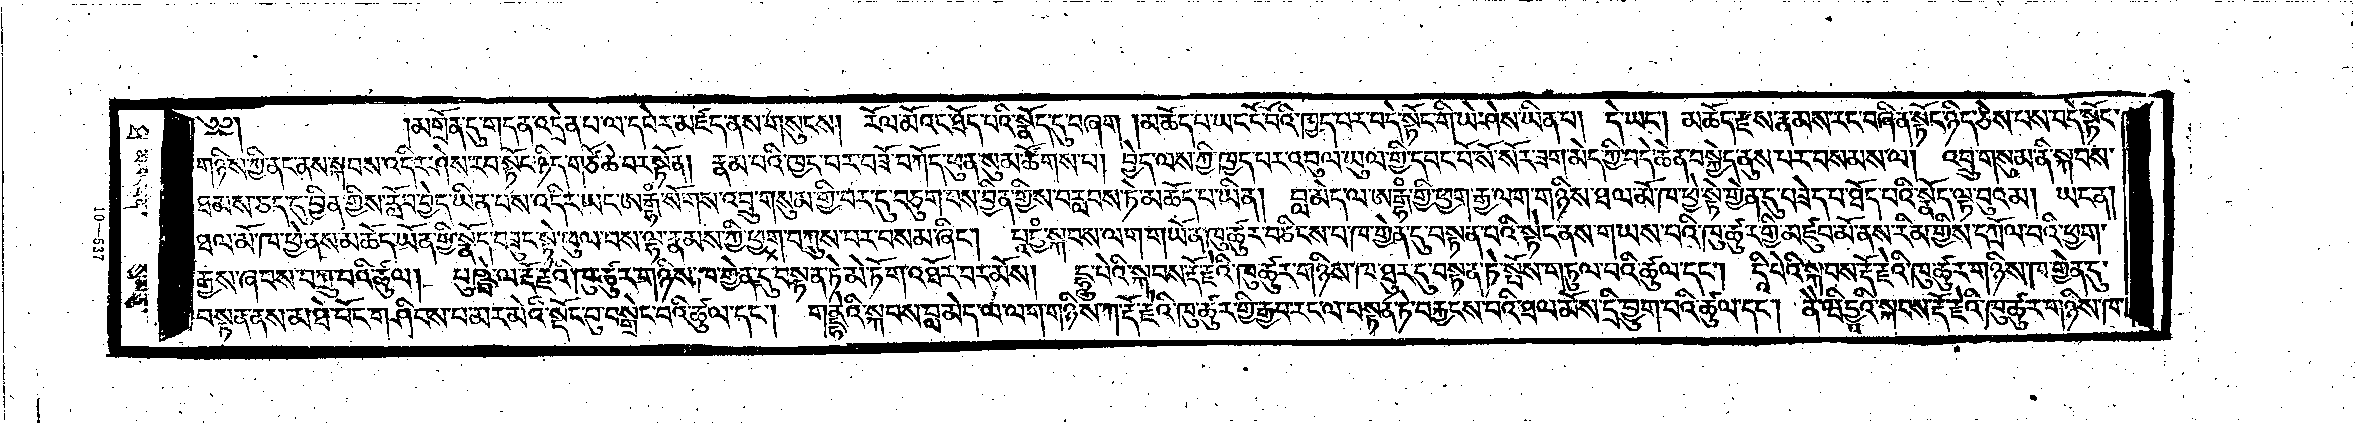༄༅། །མགྲོན་དུ་གདན་འདྲེན་པ་ལ་དཔེར་མཛད་ནས་གསུངས། རོལ་མོའང་ཐོད་པའི་སྣོད་དུ་བཞག །མཆོད་པ་ཡང་ངོ་བོའི་ཁྱད་པར་བདེ་སྟོང་གི་ཡེ་ཤེས་ཡིན་པ། དེ་ཡང་། མཆོད་རྫས་རྣམས་རང་བཞིན་སྟོང་ཉིད་ཅེས་པས་བདེ་སྟོང་
གཉིས་ཀྱི་ནང་ནས་སྐབས་འདིར་ཤེས་རབ་སྟོང་ཉིད་གཙོ་ཆེ་བར་སྟོན། རྣམ་པའི་ཁྱད་པར་བཟོ་བཀོད་ཕུན་སུམ་ཚོགས་པ། བྱེད་ལས་ཀྱི་ཁྱད་པར་འབུལ་ཡུལ་གྱི་དབང་པོ་སོ་སོར་ཟག་མེད་ཀྱི་བདེ་ཆེན་བསྐྱེད་ནུས་པར་བསམས་ལ། འབྲུ་གསུམ་ནི་སྐབས་
ཐམས་ཅད་དུ་བྱིན་གྱིས་རློབ་བྱེད་ཡིན་པས་འདིར་ཡང་ཨརགྷཾ་སོགས་འབྲུ་གསུམ་གྱི་བར་དུ་བཅུག་བས་བྱིན་གྱིས་བརླབས་ཏེ་མཆོད་པ་ཡིན། བླ་མེད་ལ་ཨརགྷཾ་གྱི་ཕྱག་རྒྱ་ལག་གཉིས་ཐལ་མོ་ཁ་ཕྱེ་སྟེ་གྱེན་དུ་བཟོད་པ་ཐོད་པའི་སྣོད་ལྟ་བུའམ། ཡང་ན།
ཐལ་མོ་ཁ་ཕྱེ་ནས་མཆོད་ཡོན་གྱི་སྣོད་བཟུང་སྟེ་ཕུལ་པས་ལྷ་རྣམས་ཀྱི་ཕྱག་བཀྲུས་བར་བསམ་ཞིང་། བཱདཡཾ་སྐབས་ལག་གཡོན་ཁུ་ཚུར་བཅིངས་པ་ཁ་གྱེན་དུ་བསྟན་པའི་སྟེང་ནས་གཡས་པའི་ཁུ་ཚུར་གྱི་མཛུབ་མོ་ནས་རིམ་གྱིས་དཀྲོལ་བའི་ཕྱག་
རྒྱས་ཞབས་བཀྲུ་བའི་ཚུལ། པུཥྦེ་ལ་རྡོ་རྗེའི་ཁུ་ཚུར་གཉིས་ཁ་གྱེན་དུ་བསྟན་ཏེ་མེ་ཏོག་འཐོར་བར་མོས། དྷཱུ་པེའི་སྐབས་རྡོ་རྗེའི་ཁུ་ཚུར་གཉིས་ཁ་ཐུར་དུ་བསྟན་ཏེ་སྤོས་གཏུལ་བའི་ཚུལ་དང་། དཱི་པེའི་སྐབས་རྡོ་རྗེའི་ཁུ་ཚུར་གཉིས་ཁ་གྱེན་དུ་
བསྟན་ན་མཐེ་བོང་གཤིབས་པ་མར་མེའི་སྡོང་བུ་བསྒྲེང་བའི་ཚུལ་དང་། གནྡྷེའི་སྐབས་བླ་མེད་ལ་ལག་གཉིས་ཀ་རྡོ་རྗེའི་ཁུ་ཚུར་གྱི་རྒྱབ་རང་ལ་བསྟན་ཏེ་བརྐྱངས་པའི་ཐལ་མོས་དྲི་བྱུག་པའི་ཚུལ་དང་། ནཻ་ཝིདྱཱའི་སྐབས་རྡོ་རྗེའི་ཁུ་ཚུར་གཉིས་ཁ་